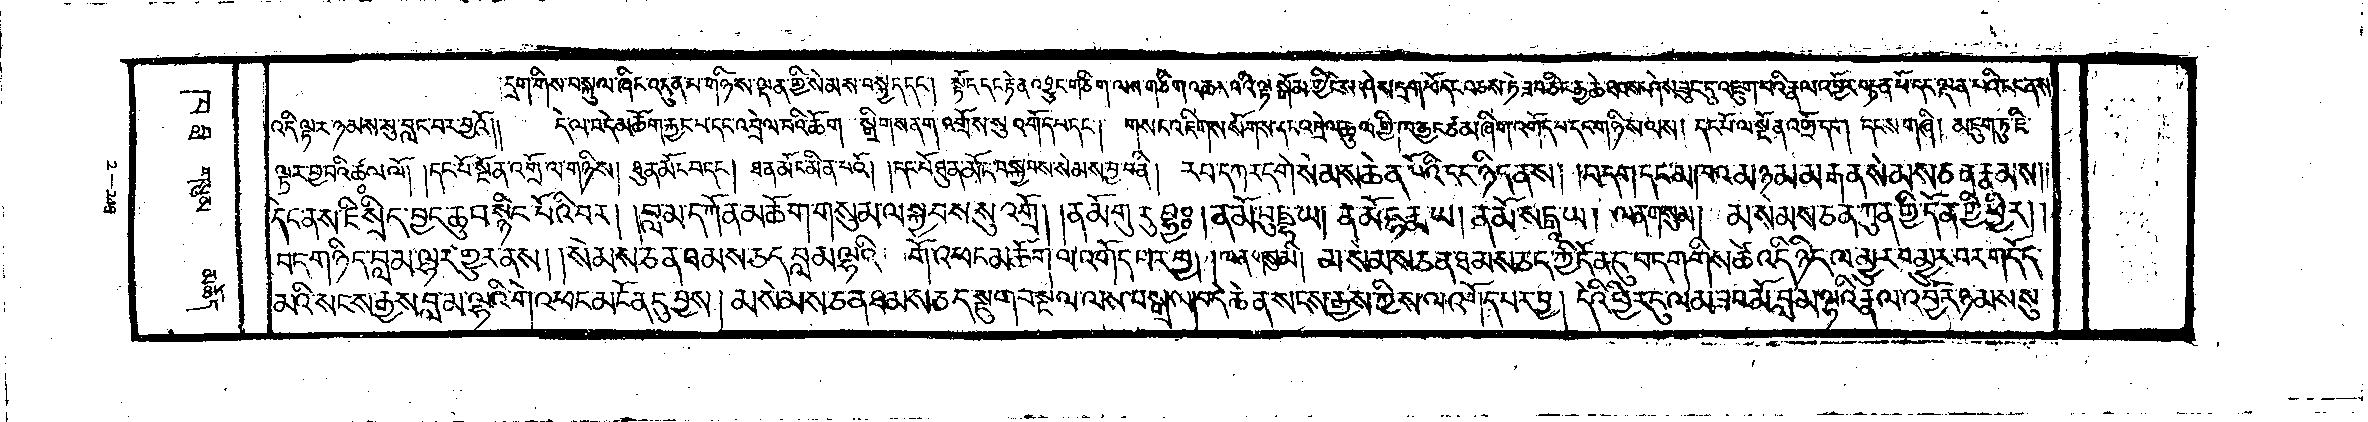༄༅། །དྲག་གིས་བསྐུལ་ཞིང་འདུན་པ་གཉིས་ལྡན་གྱི་སེམས་བསྐྱེད་དང་། སྟོང་དང་རྟེན་འབྱུང་གཅིག་ལས་གཅིག་འཆར་བའི་ལྷ་སྒོམ་གྱི་ངེས་ཤེས་དྲག་པོ་དང་བཅས་ཏེ་ཟབ་ཅིང་རྒྱ་ཆེ་ཐབས་ཤེས་ཟུང་དུ་འཇུག་པའི་རྣལ་འབྱོར་བརྟན་པོ་དང་ལྡན་པའི་ངང་ནས་
འདི་ལྟར་ཉམས་སུ་བླང་བར་བྱའོ།། དེ་ལ་བདེ་མཆོག་རྐྱང་པ་དང་འབྲེལ་བའི་ཆོག་སྒྲིགས་ནག་འགྲོས་སུ་འགོད་པ་དང་། གསང་འཇིགས་སོགས་དང་འབྲེལ་ཚུལ་གྱི་ཁ་རྒྱང་ཙམ་ཞིག་འགོད་པ་དང་གཉིས་ལས། །དང་པོ་ལ་སྔོན་འགྲོ་དང་། དངོས་གཞི། མཇུག་ཏུ་ཇི་
ལྟར་བྱ་བའི་ཚལ་ལོ། །དང་པོ་སྔོན་འགྲོ་ལ་གཉིས། ཐུན་མོང་བ་དང་། ཐུན་མོང་མིན་པའོ། །དང་པོ་ཐུན་མོང་བ་སྐྱབས་སེམས་བྱ་བ་ནི། རབ་དཀར་དགེ་སེམས་ཆེན་པོའི་དང་ཉིད་ནས། །བདག་དང་མཁའ་མཉམ་མ་རྒན་སེམས་ཅན་རྣམས།།
དེང་ནས་ཇི་སྲིད་བྱང་ཆུབ་སྙིང་པོའི་བར། །བླ་མ་དཀོན་མཆོག་གསུམ་ལ་སྐྱབས་སུ་འགྲོ། །ན་མོ་གུ་རུ་བྷྱ། ན་མོ་བུདྡྷ་ཡ། ན་མོ་སངྒཱ་ཡ། ལན་གསུམ། མ་སེམས་ཅན་ཀུན་གྱི་དོང་ཡི་ཕྱིར།།
བང་གཉིད་བླ་མ་ལྷར་གྱུར་ནས། །སེམས་ཅན་ཐམས་ཅད་བླ་མ་ལྷའི་གོ་འཕང་མཆོག་ལ་འགོད་པར་བྱ། ལན་གསུམ། མ་སེམས་ཅན་ཐམས་ཅད་ཀྱི་དོན་དུ་བདག་གིས་ཚེ་འདི་ཉིད་ལ་མྱུར་བ་མྱུག་བར་གདོད་
མའི་སངས་རྒྱས་བླ་མ་ལྷའི་གོ་འཕང་མངོན་དུ་བྱས། མ་སེམས་ཅན་ཐམས་ཅད་སྡུག་བསྔལ་ལས་བསྒྲལ། བདེ་ཆེན་སངས་རྒྱས་ཀྱིས་ལ་འགོད་པར་བྱ། དེའི་ཕྱིར་དུ་ལམ་ཟབ་མོ་བླ་མ་ལྷའི་རྣལ་འབྱོར་ཉམས་སུ་